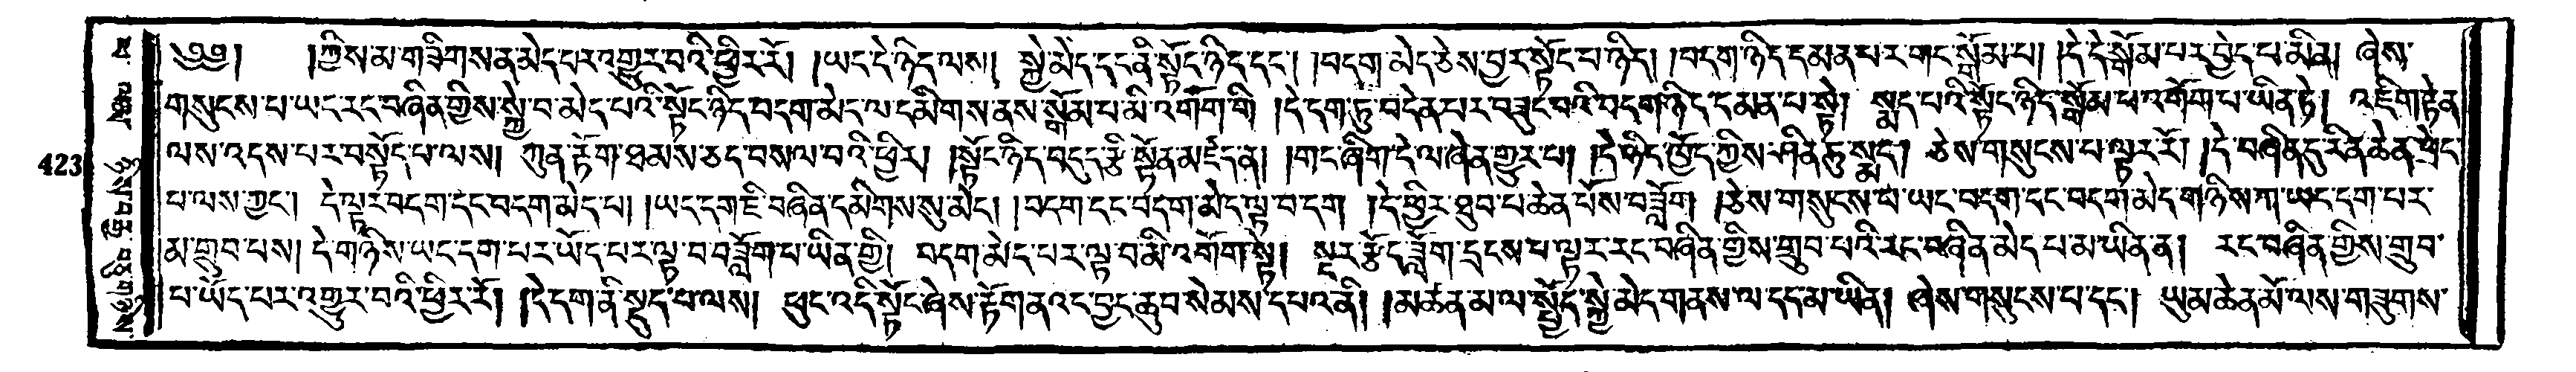༄༅། །ཀྱིས་མ་གཟིགས་ན་མེད་པར་འགྱུར་བའི་ཕྱིར་རོ། །ཡང་དེ་ཉིད་ལས། སྐྱེ་མེད་དང་ནི་སྟོང་ཉིད་དང་། །བདག་མེད་ཅེས་བྱར་སྟོང་པ་ཉིད། །བདག་ཉིད་དམན་པར་གང་སྒོམ་པ། །དེ་དེ་སྒོམ་པར་བྱེད་པ་མིན། ཞེས་
གསུངས་པ་ཡང་རང་བཞིན་གྱིས་སྐྱེ་བ་མེད་པའི་སྟོང་ཉིད་བདག་མེད་ལ་དམིགས་ནས་སྒོམ་པ་མི་འགོག་གི །དེ་དག་ཏུ་བདེན་པར་བཟུང་བའི་བདག་ཉིད་དམན་པ་སྟེ། སྨད་པའི་སྟོང་ཉིད་སྒོམ་པ་འགོག་པ་ཡིན་ཏེ། འཇིག་རྟེན་
ལས་འདས་པར་བསྟོད་པ་ལས། ཀུན་རྟོག་ཐམས་ཅད་བསལ་བའི་ཕྱིར། །སྟོང་ཉིད་བདུད་རྩི་སྟོན་མཛད་ན། །གང་ཞིག་དེ་ལ་ཞེན་གྱུར་པ། །དེ་ཉིད་ཁྱོད་ཀྱིས་ཤིན་ཏུ་སྨད། ཅེས་གསུངས་པ་ལྟར་རོ། །དེ་བཞིན་དུ་རིན་ཆེན་ཕྲེང་
པ་ལས་ཀྱང་། དེ་ལྟར་བདག་དང་བདག་མེད་པ། །ཡང་དག་ཇི་བཞིན་དམིགས་སུ་མེད། །བདག་དང་བདག་མེད་ལྟ་བ་དག །དེ་ཕྱིར་ཐུབ་པ་ཆེན་པོས་བཟློག །ཅེས་གསུངས་པ་ཡང་བདག་དང་བདག་མེད་གཉིས་ཀ་ཡང་དག་པར་
མ་གྲུབ་པས། དེ་གཉིས་ཡང་དག་པར་ཡོད་པར་ལྟ་བ་བཟློག་པ་ཡིན་གྱི། བདག་མེད་པར་ལྟ་བ་མི་འགོག་སྟེ། སྔར་རྩོད་ཟློག་དྲངས་པ་ལྟར་རང་བཞིན་གྱིས་གྲུབ་པའི་རང་བཞིན་མེད་པ་མ་ཡིན་ན། རང་བཞིན་གྱིས་གྲུབ་
པ་ཡོད་པར་འགྱུར་བའི་ཕྱིར་རོ། །དེ་དག་ནི་སྡུད་པ་ལས། ཕུང་འདི་སྟོང་ཞེས་རྟོག་ནའང་བྱང་ཆུབ་སེམས་དཔའ་ནི། །མཚན་མ་ལ་སྤྱོད་སྐྱེ་མེད་གནས་ལ་དད་མ་ཡིན། ཞེས་གསུངས་པ་དང་། ཡུམ་ཆེན་མོ་ལས་གཟུགས་